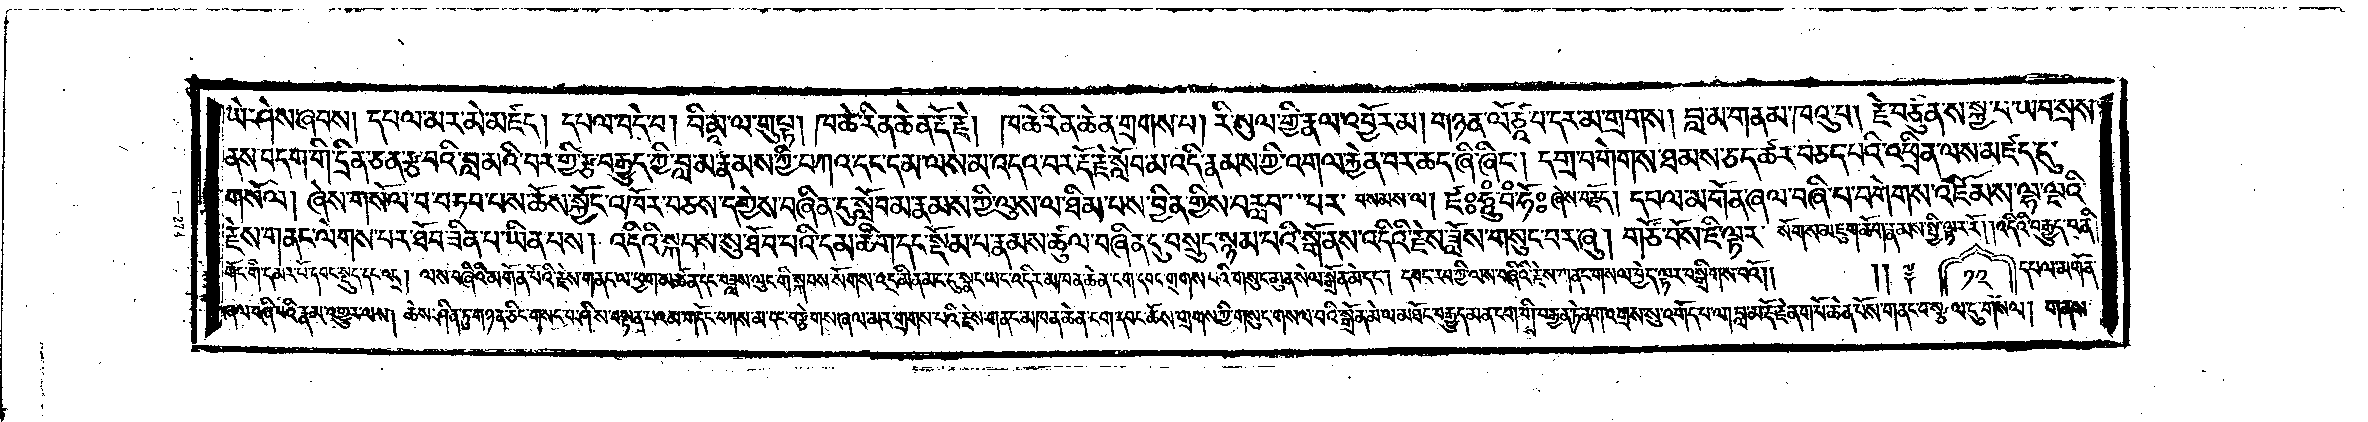ཡེ་ཤེས་ཞབས། དཔལ་མར་མེ་མཛད། དཔལ་བདེ་བ། བི་མཱ་ལ་གུཔྟ། ཁ་ཆེ་རིན་ཆེན་རྡོ་རྗེ། ཁ་ཆེ་རིན་ཆེན་གྲགས་པ། རི་སུལ་གྱི་རྣལ་འབྱོར་མ། གཉན་ལོ་ཙཱ་བ་དར་མ་གྲགས། བླ་མ་གནམ་ཁཱུ་བ། རྗེ་བཙུན་ས་སྐྱ་བ་ཡབ་སྲས་
ནས་བདག་གི་དྲིན་ཅན་རྩ་བའི་བླ་མའི་བར་གྱི་རྩ་བརྒྱུད་ཀྱི་བླ་མ་རྣམས་ཀྱི་བཀའ་དང་དམ་ལས་མ་འདའ་བར་རྡོ་རྗེ་སློབ་མ་འདི་རྣམས་ཀྱི་འགལ་རྐྱེན་བར་ཆད་ཞི་ཞིང་། དགྲ་བགེགས་ཐམས་ཅད་ཚར་བཅད་པའི་འཕྲིན་ལས་མཛད་དུ་
གསོལ། ཞེས་གསོལ་བ་བཏབ་པས་ཆོས་སྐྱོང་འཁོར་བཅས་དགྱེས་བཞིན་དུ་སློབ་མ་རྣམས་ཀྱི་ལུས་ལ་ཐིམ་པས་བྱིན་གྱིས་བརླབ་པར་བསམས་ལ། ཛཿ ཧཱུཾ་བཾ་ཧོཿ ཞེས་བརྗོད།  དཔལ་མགོན་ཞལ་བཞི་པ་བགེགས་འཇོམས་ལྷ་ལྔའི་
རྗེས་གནང་ལེགས་པར་ཐོབ་ཟིན་པ་ཡིན་པས། འདིའི་སྐབས་སུ་ཐོབ་པའི་དམ་ཚིག་དང་སྡོམ་པ་རྣམས་ཚུལ་བཞིན་དུ་བསྲུང་སྙམ་པའི་སྒོ་ནས་འདིའི་རྗེས་ཟློས་གསུང་བར་ཞུ། གཙོ་བོས་ཇི་ལྟར་སོགས་མཇུག་ཆོག་རྣམས་སྤྱི་ལྟར་རོ། །འདིའི་བརྒྱུད་པ་ནི་
གོང་གི་དམར་པོ་དབང་སྡུད་དང་འདྲ། ལས་བཞིའི་མགོན་པོའི་རྗེས་གནང་ལ་ཕྱག་མཚན་དང་བཟླས་ལུང་གི་སྐབས་སོགས་འདྲ་མིན་མང་དུ་སྣང་ཡང་འདིར་མཁན་ཆེན་ངག་དབང་གྲགས་པའི་གསུང་མུན་སེལ་སྒྲོན་མེ་དང་། དབང་རབ་ཀྱི་ལས་བཞིའི་རྗེས་གནང་གསལ་བྱེད་ལྟར་བསྒྲིགས་པའོ།། །། ༈ ༼༽༡༢༼༽ དཔལ་མགོན་
ཞལ་བཞི་པའི་རྣམ་འགྱུར་ལས། ཆེས་ཤིན་ཏུ་གཉན་ཅིང་གསང་བ་ཤིས་བསྟན་པའམ་གདོང་བཀས་མ་དང་བརྩེགས་ཞལ་མར་གྲགས་པའི་རྗེས་གནང་མཁན་ཆེན་ངག་དབང་ཆོས་གྲགས་ཡི་གསུང་གསལ་བའི་སྒྲོན་མེ་ལ་མཐོང་བརྒྱུད་མན་ངག་གིས་བརྒྱན་ཏེ་ནག་འགྲོས་སུ་འགོད་པ་ལ། བླ་མ་རྡོ་རྗེ་ནག་པོ་ཆེན་པོས་གནང་བ་སྩལ་དུ་གསོལ། གནས་